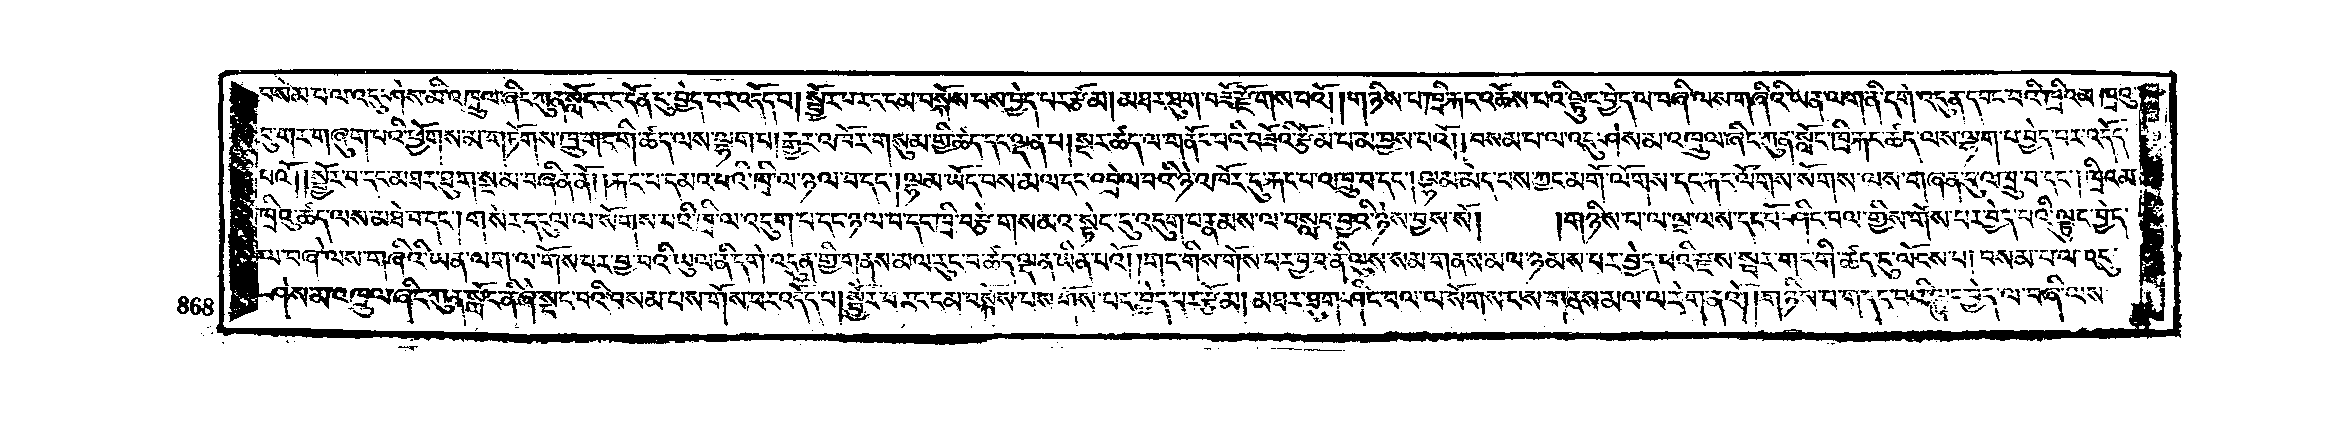བསམ་པ་ལ་འདུ་ཤེས་མི་འཁྲུལ་ཞིང་ཀུན་སློང་རང་དོན་དུ་བྱེད་པར་འདོད་པ། སྦྱོར་བ་རང་ངམ་བསྐོས་པས་བྱེད་པར་རྩོམ། མཐར་ཐུག་བཟོ་རྫོགས་པའོ། །གཉིས་པ་ཁྲི་རྐང་འཆོས་པའི་ལྟུང་བྱེད་ལ་བཞི་ལས་གཞིའི་ཡན་ལག་ནི་དགེ་འདུན་དབང་བའི་ཁྲིའམ་ཁྲའུ་
བུ་གར་གཞུག་པའི་ཕྱོགས་མ་གཏོགས་ཁྲུ་གང་གི་ཚད་ལས་ལྷག་པ། རྒྱར་འཁོར་གསུམ་གྱི་ཚད་དང་ལྡན་པ། སྔར་ཚད་ལ་གནོད་པའི་བཟོའི་རྩོམ་པ་མ་བྱས་པའོ། །བསམ་པ་ལ་འདུ་ཤེས་མ་འཁྲུལ་ཞིང་ཀུན་སློང་ཁྲི་རྐང་ཚད་ལས་ལྷག་པ་བྱེད་པར་འདོད་
པའོ། །སྦྱོར་བ་དང་མཐར་ཐུག་སྔ་མ་བཞིན་ནོ། །རྐང་པ་དམའ་བའི་ཁྲི་ལ་ཉལ་བ་དང་། ལྷམ་ཡོད་པས་མལ་དང་འབྲེལ་བའི་ཉེ་འཁོར་དུ་རྐང་པ་འཁྲུ་བ་དང་། ལྷམ་མེད་པས་ཀྱང་མགོ་ལོགས་དང་རྐང་ལོགས་སོགས་ལས་གཞན་དུ་འཁྲུ་བ་དང་། ཁྲིའམ་
ཁྲིའུ་ཚད་ལས་མཐེ་བ་དང་། གསེར་དངུལ་ལ་སོགས་པའི་ཁྲི་ལ་འདུག་པ་དང་ཉལ་བ་དང་ཁྲི་བརྩེགས་མའ་སྟེང་དུ་འདུག་པ་རྣམས་ལ་བསླབ་བྱའི་ཉེས་བྱས་སོ། །གཉིས་པ་ལ་ལྔ་ལས་དང་པོ་ཤིང་བལ་གྱིས་གོས་པར་བྱེད་པའི་ལྟུང་བྱེད་
ལ་བཞེ་ལས་གཞིའི་ཡན་ལག་ལ་གོས་པར་བྱ་བའི་ཡུལ་ནི་དགེ་འདུན་གྱི་གནས་མལ་རུང་བ་ཚད་ལྡན་ཡིན་པའོ། །གང་གིས་གོས་པར་བྱ་བ་ནི་ལུས་སམ་གནས་མལ་ཉམས་པར་བྱེད་པའི་རྫས་སྦར་གང་གི་ཚད་དུ་ལོངས་པ། བསམ་པ་ལ་འདུ་
ཤེས་མ་འཁྲུལ་ཞིང་ཀུན་སློང་ནི་ཞེ་སྡང་བའི་བསམ་པས་གོས་པར་འདོད་པ། སྦྱོར་བ་རང་ངམ་བསྐོས་པས་གོས་པར་བྱེད་པར་རྩོམ། མཐར་ཐུག་ཤིང་བལ་ལ་སོགས་པས་གནས་མལ་ལ་རེག་ནའོ། །གཉིས་པ་གདང་བའི་ལྟུང་བྱེད་ལ་བཞི་ལས་